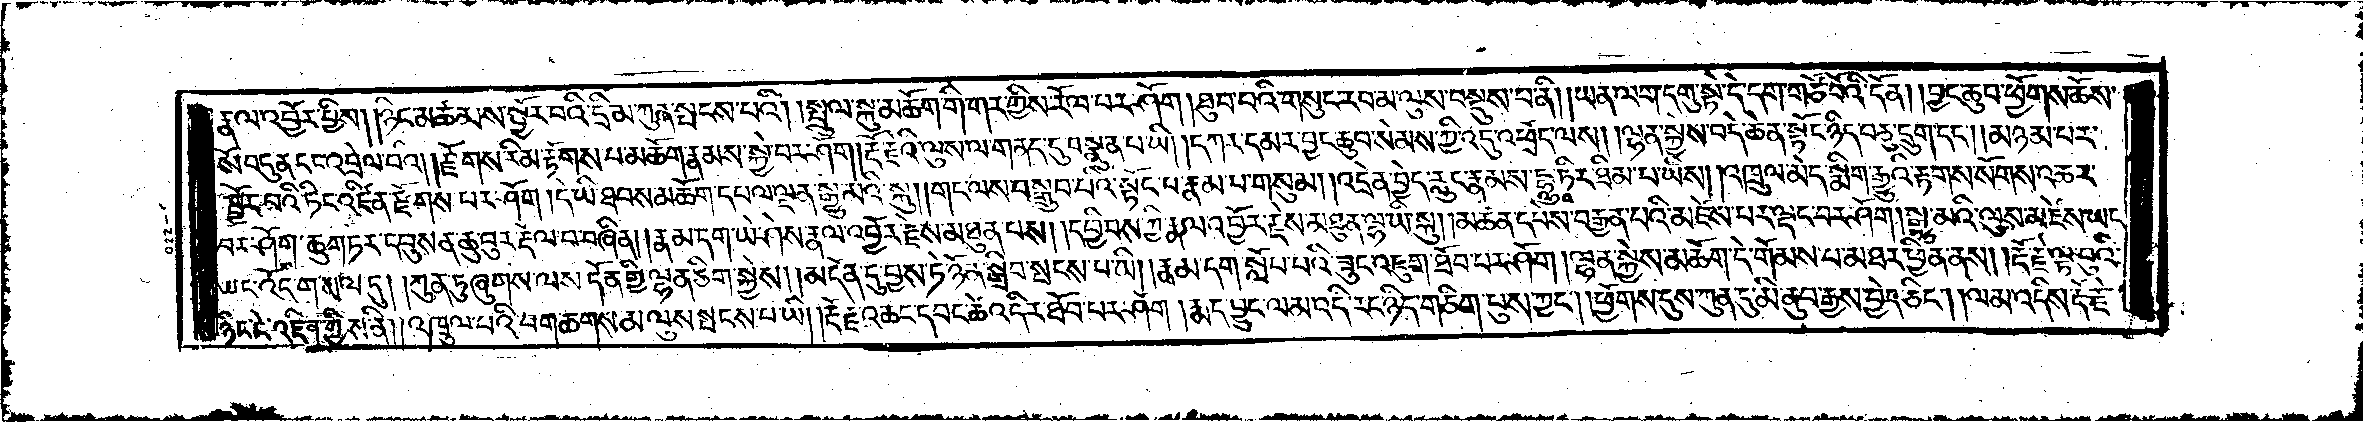རྣལ་འབྱོར་བྱིས། །ཉིང་མཚམས་སྦྱོར་བའི་དྲི་མ་ཀུན་སྤངས་པའི། །སྤྲུལ་སྐུ་མཆོག་གི་གར་གྱིས་རོལ་པར་ཤོག །ཐུབ་པའི་གསུང་རབ་མ་ལུས་བསྡུས་བ་ནི། །ཡན་ལག་དགུ་སྟེ་དེ་དག་གཙོ་བོའི་དོན། །བྱང་ཆུབ་ཕྱོགས་ཆོས་
སོ་བདུན་དང་འབྲེལ་བའི། །རྫོགས་རིམ་རྟོགས་པ་མཆོག་རྣམས་སྐྱེ་བར་ཤོག། །རྡོ་རྗེའི་ལུས་ལ་གནད་དུ་བསྣུན་པ་ཡི། །དཀར་དམར་བྱང་ཆུབ་སེམས་ཀྱི་འདུ་འཕྲོད་ལས། །ལྷན་སྐྱེས་བདེ་ཆེན་སྟོང་ཉིད་བཅུ་དྲུག་དང་། །མཉམ་པར་
སྦྱོར་བའི་ཏིང་འཛིན་རྫོགས་པར་ཤོག། །དེ་ཡི་ཐབས་མཆོག་དཔལ་ལྡན་སྒྱུ་མའི་སྐུ། །གང་ལས་བསྒྲུབ་པའི་སྟོང་པ་རྣམ་པ་གསུམ། །འདྲེན་བྱེད་རླུང་རྣམས་དྷཱུ་ཏཱིར་ཐིམ་པ་ཡིས། །འཁྲུལ་མེད་སྨིག་རྒྱུའི་རྟགས་སོགས་འཆར་
བར་ཤོག་ཆུ་གཏེར་དབུས་ན་ཆུ་བུར་རྡོལ་བ་བཞིན། །རྣམ་དག་ཡེ་ཤེས་རྣལ་འབྱོར་རྗེས་མཐུན་པས། །དབྱིབས་ཀྱི་རྣལ་འབྱོར་རྗེས་མཐུན་ལྷ་ཡི་སྐུ། །མཚན་དཔེས་བརྒྱན་པའི་མཛེས་པར་ལྡང་བར་ཤོག །སྒྱུ་མའི་ལུས་མཛེས་ཡང་
ཡང་འོད་གསལ་དུ། །ཀུན་ཏུ་ཞུགས་ལས་དོན་གྱི་ལྷན་ཅིག་སྐྱེས། །མདོན་དུ་བྱས་ཏེ་ཉོན་སྒྲིབ་སྤངས་པ་ཡི། །རྣམ་དག་སློབ་པའི་ཟུང་འཇུག་ཐོབ་པར་ཤོག། །ལྷན་སྐྱེས་མཆོག་དེ་གོམས་པ་མཐར་ཕྱིན་ནས། །རྡོ་རྗེ་ལྟ་བུའི་
ཉིང་ངེ་འཛིན་གྱིས་ནི། །འཁྲུལ་པའི་བག་ཆགས་མ་ལུས་སྤངས་པ་ཡི། །རྡོ་རྗེ་འཆང་དབང་ཚེ་འདིར་ཐོབ་པར་ཤོག །རྨད་བྱུང་ལམ་འདི་རང་ཉིད་གཅིག་པུས་ཀྱང་། །ཕྱོགས་དུས་ཀུན་དུ་མི་ནུབ་རྒྱས་བྱེད་ཅིང་། །ལམ་འདིས་རྡོ་རྗེཨུ་